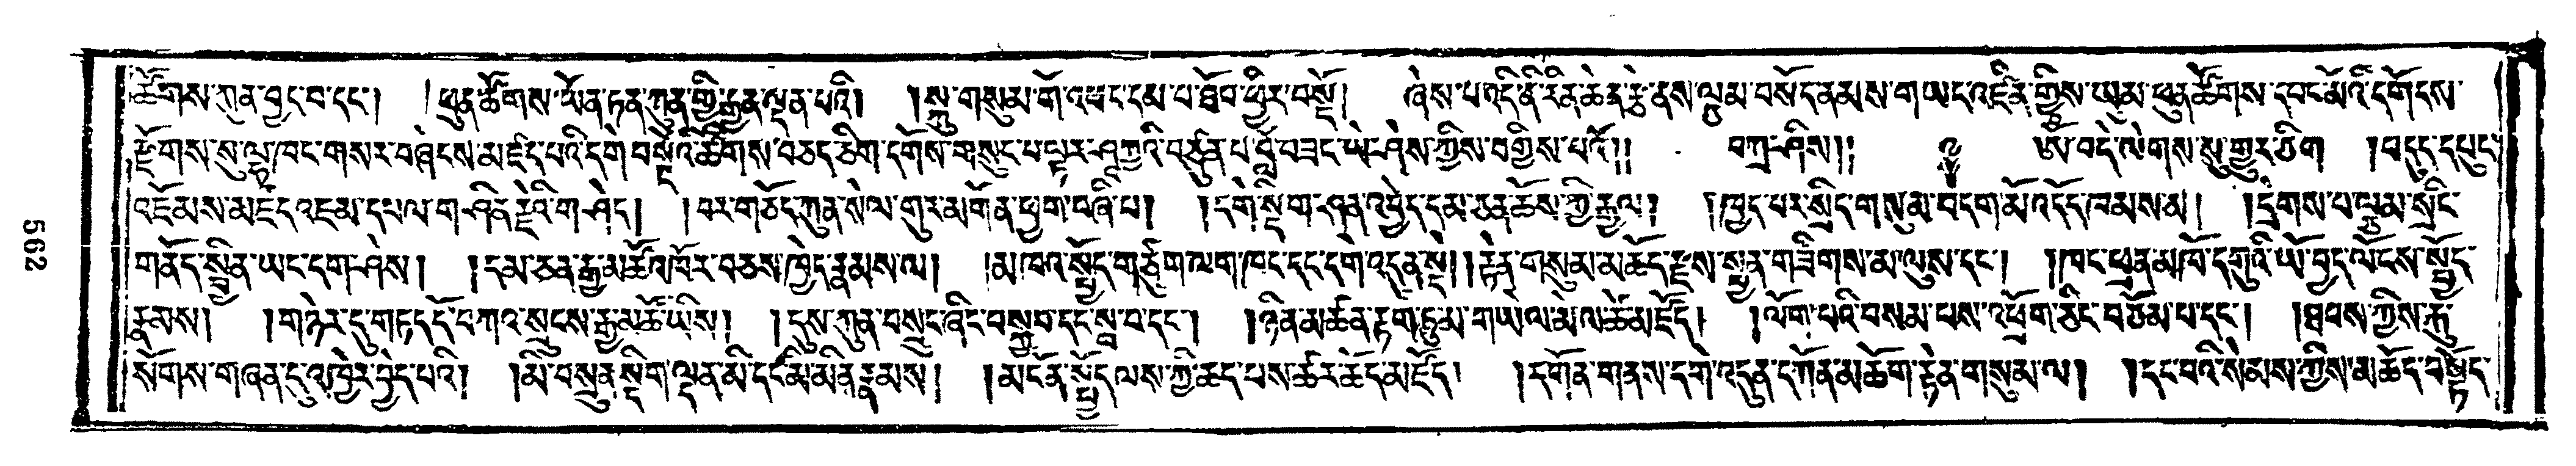བ་ཚོགས་ཀུན་བྱང་བ་དང་། །ཕུན་ཚོགས་ཡོན་ཏན་ཀུན་གྱི་རྒྱན་ལྡན་པའི། །སྐུ་གསུམ་གོ་འཕང་དམ་པ་ཐོབ་ཕྱིར་བསྔོ། ཞེས་པ་འདི་ནི་རིན་ཆེན་རྩེ་ནས་ལྕམ་བསོད་ནམས་གཡང་འཛིན་གྱིས་ཡུམ་ཕུན་ཚོགས་དབང་མོའི་དགོངས་
རྫོགས་སུ་ལྷ་ཁང་གསར་བཞེངས་མཛད་པའི་དགེ་བསྔོའི་ཚིགས་བཅད་ཅིག་དགོས་གསུང་བ་ལྟར་ཤཱཀྱའི་བཙུན་པ་བློ་བཟང་ཡེ་ཤེས་ཀྱིས་བགྱིས་པའོ། །བཀྲ་ཤིས།། ༈ ཨོཾ་བདེ་ལེགས་སུ་གྱུར་ཅིག །བདུད་དཔུང་
འཇོམས་མཛད་འཇམ་དཔལ་གཤིན་རྗེའི་གཤེད། །བར་གཅོད་ཀུན་སེལ་གུར་མགོན་ཕྱག་བཞི་པ། །དགེ་སྡིག་ཤན་འབྱེད་དམ་ཅན་ཆོས་ཀྱི་རྒྱལ། །ཁྱད་པར་སྲིད་གསུམ་བདག་མོ་འདོད་ཁམས་མ། །དྲེགས་པ་ལྕམ་སྲིང་
གནོད་སྦྱིན་ཡང་དག་ཤེས། །དམ་ཅན་རྒྱ་མཚོ་འཁོར་བཅས་ཁྱེད་རྣམས་ལ། །མཁའ་སྤྱོད་གཙུག་ལག་ཁང་དང་དགེ་འདུན་སྡེ། །རྟེན་གསུམ་མཆོད་རྫས་སྤྱན་གཟིགས་མ་ལུས་དང་། །ཁང་ཕྲན་མཁོ་དགུའི་ཡོ་བྱད་ལོངས་སྤྱོད་
རྣམས། །གཉེར་དུ་གཏད་དོ་བཀའ་སྲུངས་རྒྱ་མཚོ་ཡིས། །དུས་ཀུན་བསྲུང་ཞིང་བསྐྱབ་དང་སྦ་བ་དང་། །ཉིན་མཚན་རྟག་ཏུ་མ་གཡེལ་མེ་ལ་ཚེ་མཛོད། །ལོག་པའི་བསམ་པས་འཕྲོག་ཅིང་བཅོམ་པ་དང་། །ཐབས་ཀྱིས་རྐུ་
སོགས་གཞན་དུ་འཁྱེར་བྱེད་པའི། །མི་བསྲུན་སྡིག་ལྡན་མི་དང་མི་མིན་རྣམས། །མངོན་སྤྱོད་ལས་ཀྱི་ཆད་པས་ཚར་ཆོད་མཛོད། །དགོན་གནས་དགེ་འདུན་དཀོན་མཆོག་རྟེན་གསུམ་ལ། །དང་བའི་སེམས་ཀྱིས་མཆོད་བསྟོད་